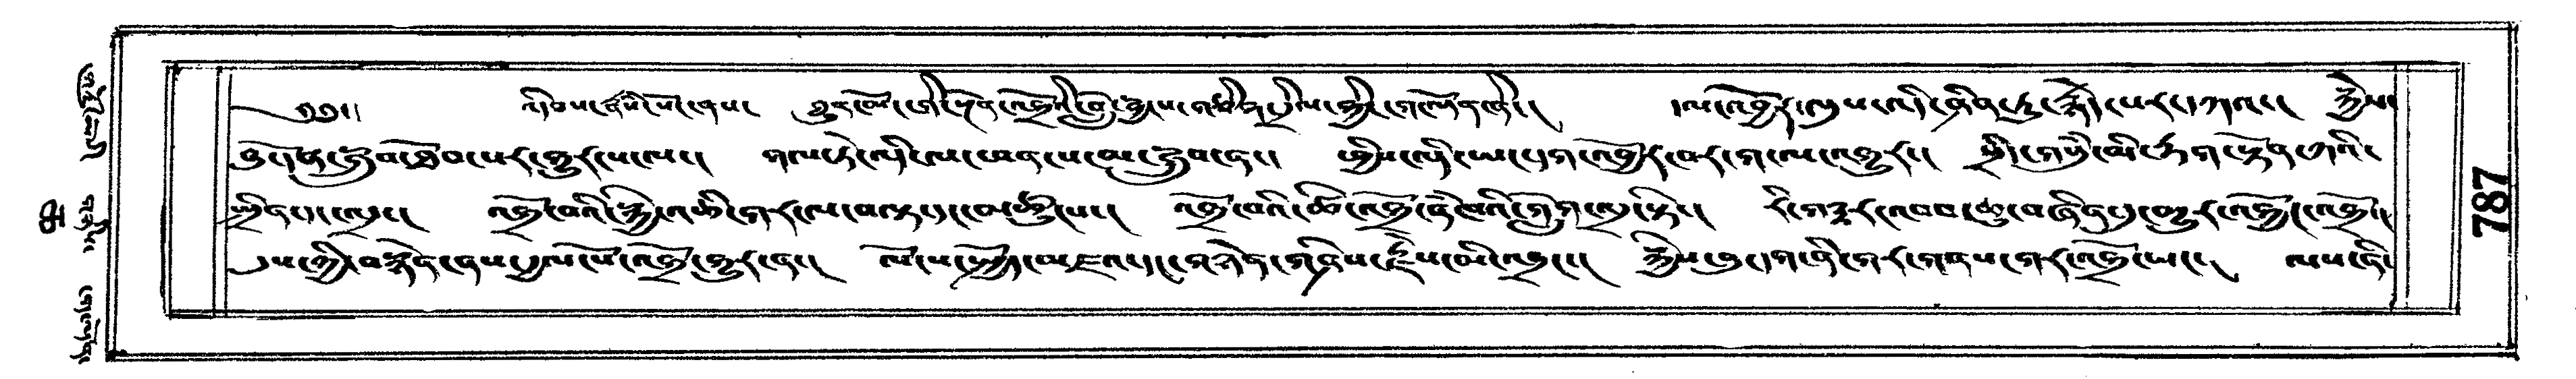འདེབས་རྣམས་སོང་ནས། ཐུན་མོང་གི་སྔོན་འགྲོའི་བློ་སྦྱོང་གཅིག་དྲིལ་གྱི་ངག་འདོན་ནི། དལ་འབྱོར་ལུས་འདི་ཤིན་ཏུ་རྙེད་པར་དཀའ། །སྐྱེས་
བུ་དོན་སྒྲུབ་ཐོབ་པར་གྱུར་པ་ལ། །གལ་ཏེ་འདི་ལ་ཕན་པ་མ་སྒྲུབ་ན། །ཕྱིས་འདི་ཡང་དག་འབྱོར་བར་ག་ལ་འགྱུར། །སྲིད་གསུམ་མི་རྟག་སྟོན་ཀའི་
སྤྲིན་དང་འདྲ། །འགྲོ་བའི་སྐྱེ་འཆི་གར་ལ་བལྟ་དང་མཚུངས། །འགྲོ་བའི་ཚེ་འགྲོ་ནམ་མཁའི་གློག་འདྲ་སྟེ། །རི་གཟར་འབབ་ཆུ་བཞིན་དུ་གྱུར་འགྱོགས་འགྲོ། །
དུས་ཀྱི་བསྙེན་ནས་རྒྱལ་པོ་འགྲོ་གྱུར་ན། །ལོངས་སྤྱོད་མཛའ་དང་གཉེན་བཤཻས་རྗེས་མི་འབྲང་། །སྐྱེས་བུ་དག་ནི་གར་གནས་གར་འགྲོ་ཡང་། །ལས་ནི་